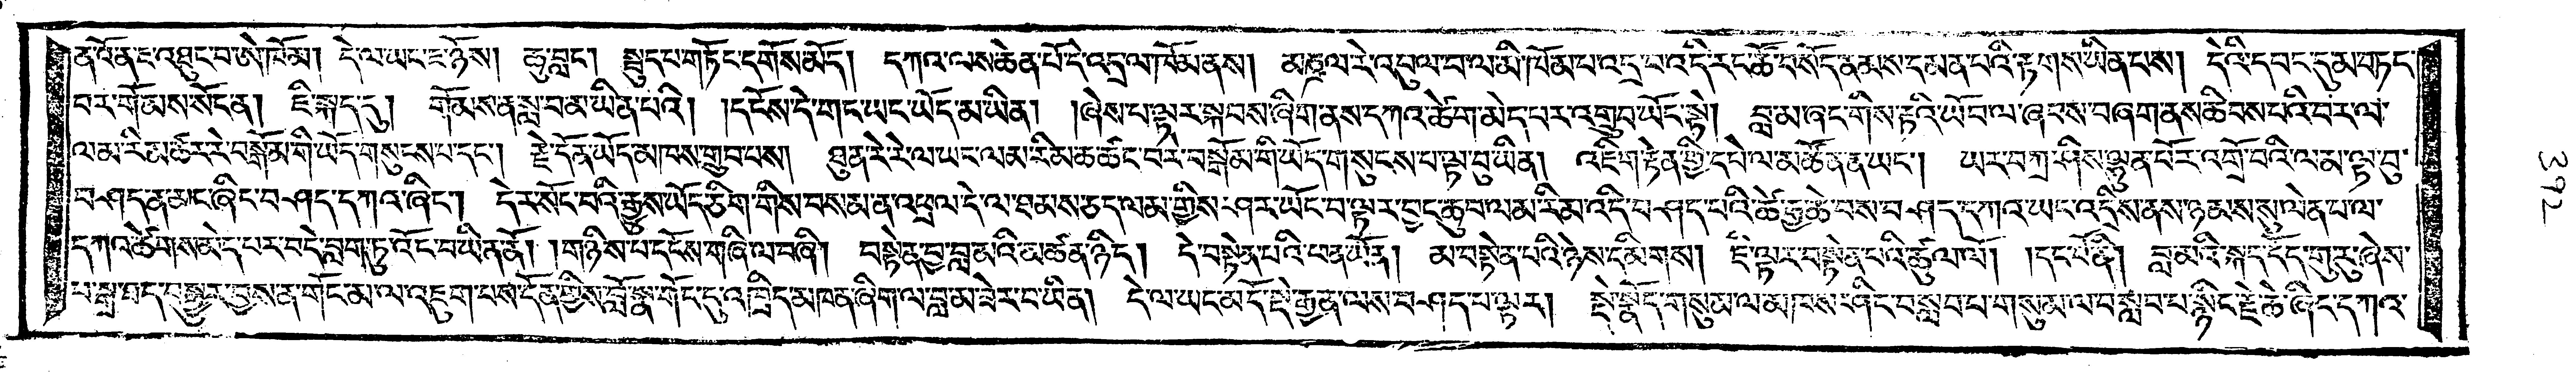ན་འོན་ཇ་འཐུང་བ་ཨེ་ཁོམ། དེ་ལ་ཡང་ཇ་ཉོས། ཆུ་བླང་། སྦུད་པ་གཏོང་དགོས་མོད། དཀའ་ལས་ཆེན་པོ་དེ་འདྲ་ལ་ཁོམ་ནས། མཎྜལ་རེ་འབུལ་བ་ལ་མི་ཁོམ་པ་འདྲ་བ་འདི་རང་ཚོ་བསོད་ནམས་དམན་པའི་རྟགས་ཡིན་པས། དེའི་དབང་དུ་མ་བཏང་
བར་གོམས་སོང་ན། ཇི་སྐད་དུ། གོམས་ན་སླ་པ་མ་ཡིན་པའི། །དངོས་དེ་གང་ཡང་ཡོད་མ་ཡིན། །ཞེས་པ་ལྟར་སྐབས་ཞིག་ནས་དཀའ་ཚེག་མེད་པར་འགྲུབ་ཡོད་སྟེ། བླ་མ་ཞང་གིས་རྟའི་ཡོབ་ལ་ཞབས་བཞག་ནས་ཆིབས་པའི་བར་ལ་
ལམ་རིམ་ཚར་རེ་བསྒོམ་གི་ཡོད་གསུངས་པ་དང་། རྗེ་དོན་ཡོད་མཁས་གྲུབ་པས། ཐུན་རེ་རེ་ལ་ཡང་ལམ་རིམ་ཆ་ཚང་བ་རེ་བསྒོམ་གི་ཡོད་གསུངས་པ་ལྟ་བུ་ཡིན། འཇིག་རྟེན་གྱི་དཔེལ་མཚོན་ན་ཡང་། ཡར་བཀྲ་ཤིས་ལྷུན་པོར་འགྲོ་པའི་ལམ་ལྟ་བུ་
བཤད་ན་མང་ཞིང་བཤད་དཀའ་ཞིང་། དེར་སོང་བའི་རྒྱུས་ཡོད་ཅིག་གིས་བསམ་ན་འཕྲལ་དེ་ལ་ཐམས་ཅད་ལམ་གྱིས་ཤར་ཡོང་བ་ལྟར་བྱང་ཆུབ་ལམ་རིམ་འདི་བཤད་པའི་ཚེ་རྒྱ་ཆེ་བས་བཤད་དཀའ་ཡང་འདྲིས་ནས་ཉམས་སུ་ལེན་པ་ལ་
དཀའ་ཚེགས་མེད་པར་བདེ་བླག་ཏུ་འོང་བ་ཡིན་ནོ། །གཉིས་པ་དངོས་གཞི་ལ་བཞི། བསྟེན་བྱ་བླ་མའི་མཚན་ཉིད། དེ་བསྟེན་པའི་ཕན་ཡོན། མ་བསྟེན་པའི་ཉེས་དམིགས། ཇི་ལྟར་བསྟེན་པའི་ཚུལ་ལོ། །དང་པོ་ནི། བླ་མའི་སྐད་དོད་གུ་རུ་ཞེས་
པ་སྒྲ་ཐད་བསྒྱུར་བྱས་ན་གོང་མ་ལ་འཇུག་པས་དོན་གྱིས་བློ་སྣ་གོང་དུ་འཁྲིད་མཁན་ཞིག་ལ་བླ་མ་ཟེར་བ་ཡིན། དེ་ལ་ཡང་མདོ་སྡེ་རྒྱན་ལས་བཤད་པ་ལྟར། སྡེ་སྣོད་གསུམ་ལ་མཁས་ཞིང་བསླབ་པ་གསུམ་ལ་བསླབ་པ་སྙིང་རྗེ་ཆེ་ཞིང་དཀའ་